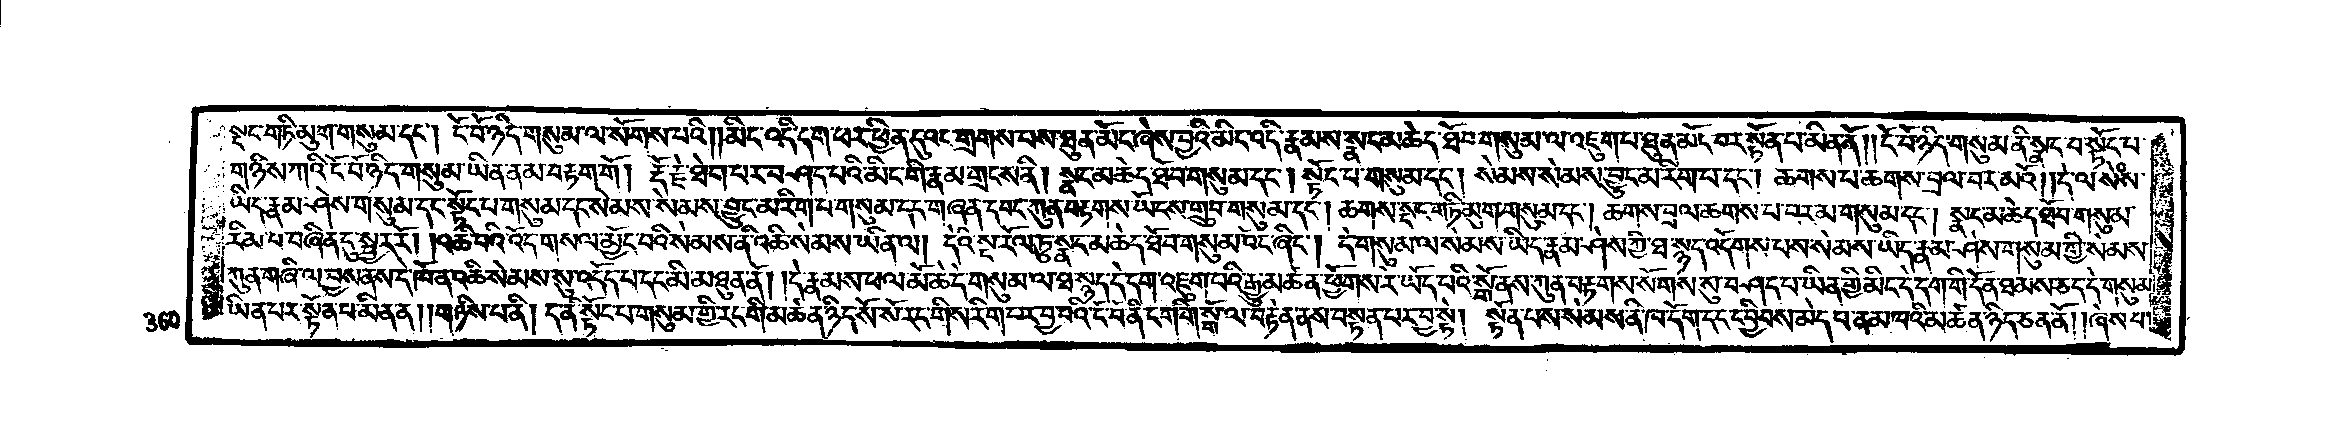སྡང་གཏི་མུག་གསུམ་དང་། ངོ་བོ་ཉིད་གསུམ་ལ་སོགས་པའི། །མིང་འདི་དག་ཕར་ཕྱིན་དུའང་གྲགས་པས་ཐུན་མོང་ཞེས་བྱའི་མིང་འདི་རྣམས་སྣང་མཆེད་ཐོབ་གསུམ་ལ་འཇུག་པ་ཐུན་མོང་བར་སྟོན་པ་མིན་ནོ། །ངོ་བོ་ཉིད་གསུམ་ནི་སྣང་བ་སྟོང་པ་
གཉིས་ཀའི་ངོ་བོ་ཉིད་གསུམ་ཡིན་ནམ་བརྟག་གོ །རྡོ་རྗེ་ཐེག་པར་བཤད་པའི་མིང་གི་རྣམ་གྲངས་ནི། སྣང་མཆེད་ཐོབ་གསུམ་དང་། སྟོང་པ་གསུམ་དང་། སེམས་སེམས་བྱུང་མ་རིག་པ་དང་། ཆགས་པ་ཆགས་བྲལ་བར་མའོ། །དེ་ལ་སེམས་
ཡིད་རྣམ་ཤེས་གསུམ་དང་སྟོང་པ་གསུམ་དང་སེམས་སེམས་བྱུང་མ་རིག་པ་གསུམ་དང་གཞན་དབང་ཀུན་བརྟགས་ཡོངས་གྲུབ་གསུམ་དང་། ཆགས་སྡང་གཏི་མུག་གསུམ་དང་། ཆགས་བྲལ་ཆགས་པ་བར་མ་གསུམ་དང་། སྣང་མཆེད་ཐོབ་གསུམ་
རིམ་པ་བཞིན་དུ་སྦྱར་རོ། །འཆི་བའི་འོད་གསལ་མྱོང་བའི་སེམས་ནི་འཆི་སེམས་ཡིན་ལ། དེའི་སྔ་རོལ་ཏུ་སྣང་མཆེད་ཐོབ་གསུམ་འོང་ཞིང་། དེ་གསུམ་ལ་སེམས་ཡིད་རྣམ་ཤེས་ཀྱི་ཐ་སྙད་འདོགས་པས་སེམས་ཡིད་རྣམ་ཤེས་གསུམ་གྱི་སེམས་
ཀུན་གཞི་ལ་བྱས་ནས་དེ་ཁོ་ན་འཆི་སེམས་སུ་འདོད་པ་དང་མི་མཐུན་ནོ། །དེ་རྣམས་ཕལ་མོ་ཆེ་དེ་གསུམ་ལ་ཐ་སྙད་དེ་དག་འཇུག་པའི་རྒྱུ་མཚན་ཕྱོགས་རེ་ཡོད་པའི་སྒོ་ནས་ཀུན་བརྟགས་སོགས་སུ་བཤད་པ་ཡིན་གྱི་མིང་དེ་དག་གི་དོན་ཐམས་ཅད་དེ་གསུམ་ཡིན་པར་སྟོན་པ་མིན་ན། །གཉིས་པ་ནི། དེ་ནི་སྟོང་པ་གསུམ་གྱི་རང་གི་མཚན་ཉིད་སོ་སོ་རང་གིས་རིག་པར་བྱ་བའི་ངོ་བོ་ནི་ངག་གི་སྒོ་ལ་བརྟེན་ནས་བསྟན་པར་བྱ་སྟེ། སྟོན་པས་སེམས་ནི་ཁ་དོག་དང་དབྱིབས་མེད་པ་ནམ་མཁའི་མཚན་ཉིད་ཅན་ནོ། །ཞེས་པ་